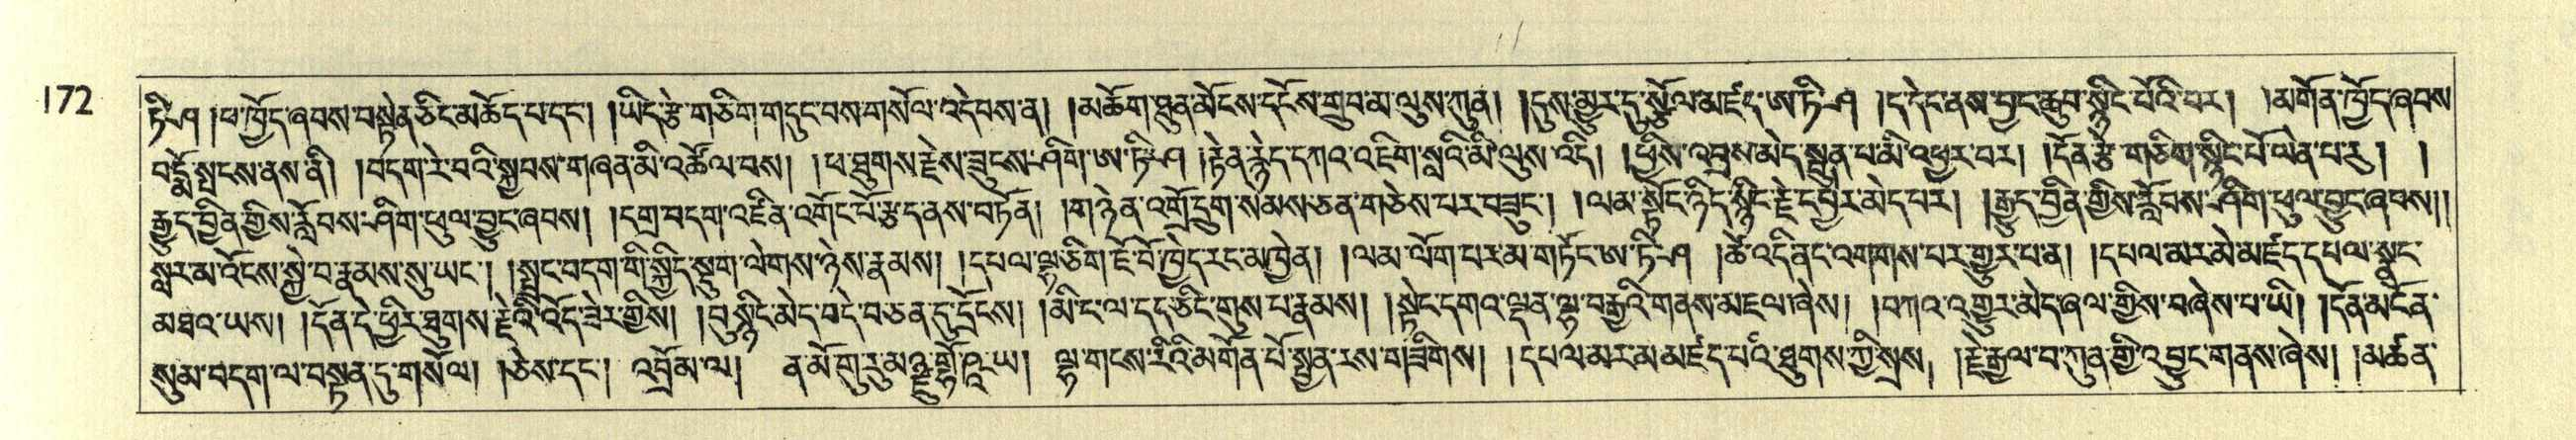ཏི་ཤ་།ཕ་ཁྱོད་ཞབས་བསྟེན་ཅིང་མཆོད་པ་དང་། །ཡིད་རྩེ་གཅིག་གདུང་བས་གསོལ་འདེབས་ན། །མཆོག་ཐུན་མོངས་དངོས་གྲུབ་མ་ལུས་ཀུན། །དུས་མྱུར་དུ་སྩོལ་མཛད་ཨ་ཏི་ཤ་།ད་དེང་ནས་བྱང་ཆུབ་སྙིང་པོའི་བར། །མགོན་ཁྱོད་ཞབས་
པདམོ་སྤངས་ནས་ནི། །བདག་རེ་བའི་སྐྱབས་གཞན་མི་འཚོལ་བས། །ཕ་ཐུགས་རྗེས་ཟུངས་ཤིག་ཨ་ཏི་ཤ་།རྟེན་རྙེད་དཀའ་འཇིག་སླའི་མི་ལུས་འདི། །ཕྱིས་འབྲས་མེད་སྤུན་པ་མི་འཕྱར་བར། །དོན་རྩེ་གཅིག་སྙིང་པོ་ལེན་པ་རུ། །
རྒྱུད་བྱིན་གྱིས་རློབས་ཤིག་ཕུལ་བྱུང་ཞབས། །དགྲ་བདག་འཛིན་འགོང་པོ་རྩད་ནས་བཏོན། །གཉེན་འགྲོ་དྲུག་སེམས་ཅན་གཅེས་པར་བཟུང་། །ལམ་སྟོང་ཉིད་སྙིང་རྗེ་དཔྱེར་མེད་པར། །རྒྱུད་བྱིན་གྱིས་རློབས་ཤིག་ཕུལ་བྱུང་ཞབས།།
སླར་མ་འོངས་སྐྱེ་བ་རྣམས་སུ་ཡང་། །སྤྲང་བདག་གི་སྐྱིད་སྡུག་ལེགས་ཉེས་རྣམས། །དཔལ་ལྷ་ཅིག་ཇོ་བོ་ཁྱེད་རང་མཁྱེན། །ལམ་ལོག་པར་མ་གཏོང་ཨ་ཏི་ཤ་།ཚེ་འདི་ནང་འགགས་པར་གྱུར་པ་ན། །དཔལ་མར་མེ་མཛད་དཔལ་སྣང་
མཐའ་ཡས། །དོན་དེ་ཕྱིར་ཐུགས་རྗེའི་འོད་ཟེར་གྱིས། །བུ་སྙིང་མེད་བདེ་བ་ཅན་དུ་དྲོངས། །མི་ང་ལ་དད་ཅིང་གུས་པ་རྣམས། །སྟེང་དགའ་ལྡན་ལྷ་བརྒྱའི་གནས་མཇལ་ཞེས། །བཀའ་འགྱུར་མེད་ཞལ་གྱིས་བཞེས་པ་ཡི། །དོན་མངོན་
སུམ་བདག་ལ་བསྟན་དུ་གསོལ། །ཅེས་དང་། འབྲོམ་ལ། ན་མོ་གུ་རུ་མཉྫུ་གྷོ་ཥཱ་ཡ། ལྷ་གངས་རིའི་མགོན་པོ་སྤྱན་རས་གཟིགས། །དཔལ་མར་མ་མཛད་པའི་ཐུགས་ཀྱི་སྲས། །རྗེ་རྒྱལ་བ་ཀུན་གྱི་འབྱུང་གནས་ཞེས། །མཚན་